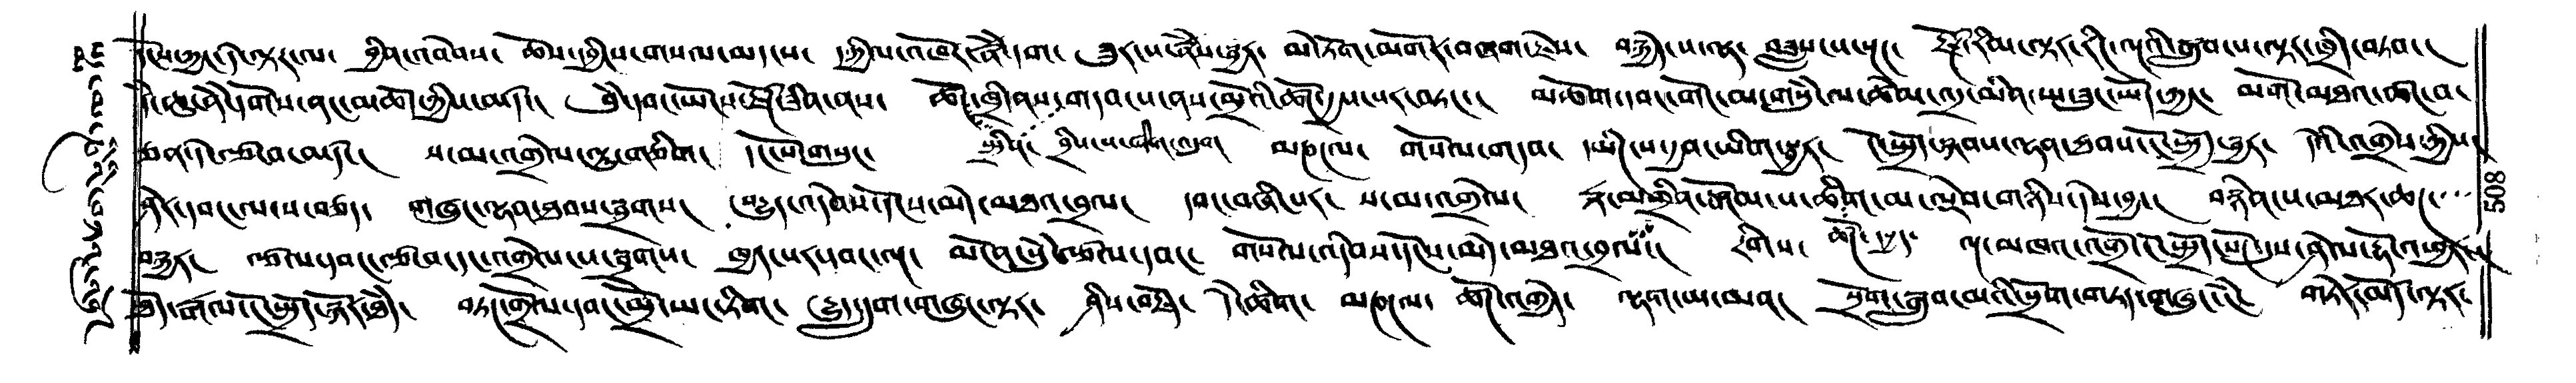དངོས་ཀྱང་དེ་ལྟར་ལ། བྱིན་འབེབས། ཆོས་དབྱིངས་གསལ་མདངས། དཀྱིལ་འཁོར་རྣམ་དག ཟུར་པ་རྣམས་སྦྱར། མེ་ཏོག་མགོར་བཞག་རྗེས། བསྐྱེད་པ་ལྷ། བཟླས་པ་སྔགས། རྫོགས་རིམ་རིགས་ལྔའི་སྒྲུབ་པ་ལྟར་ཁྲིད་བཏབ། 
དམ་ཆུ་ནམ་དགོས་ནང་མཆོད་ཀྱི་མཛད། བུམ་དབང་ཡོངས་རྫོགས་ཟིན་ནས། ཚོགས་ཁྲིད་གདབ་པ་ནས་མཁའ་འགྲོའི་ཚོགས་རྒྱས་པར་གཏང་། མཆོག་དབང་གོང་མ་གསུམ་ལ་ཚེམ་པ་འདྲ་མིན་ཡ་ཟུང་ཡོད་ཀྱང་། མགོ་མཐའ་ཚང་བ་
ཅན་དེ་རྩ་བ་མཛད། ས་མ་འགྲེལ་ལྟ་བུ་གཅིག་དང་པོ་གསུང་། མཎྜལ། གསོལ་གདབ། དམིགས་པ་རྒྱབ་ཡིག་སྦྱར། ངོ་སྤྲོད་སྐབས་ལྷན་ཐབས་ངོ་སྤྲོད། དེའི་འགྲེས་ཀྱིས་
ཤེར་དབང་ལ་ས་བཅད། གཞུང་ལྷན་ཐབས་སྦྲགས། བརྒྱུད་འདེབས་དངོས་མེད་མཐའ་བྲལ།དབང་བཞི་པར། ས་མ་འགྲེལ། རྟ་མགྲིན་སྒོམ་པས་ཚོག་མ་ལྡེབ་གཉིས་དེས་བྱ། བསྙེན་པ་མཐར་ཆགས་
བསྐྱར། རྩལ་དབང་རྩ་བ་དང་འགྲེལ་པ་སྦྲགས། ཁྱད་པར་དབང་ལྔ། མངོན་སུམ་རྩལ་དབང་། གསོལ་འདེབས་དངོས་མེད་མཐའ་བྲལ། རིགས་ལྔ་མཁའ་འགྲོ་ངོ་སྤྲོད་སོགས་དུས་ཤེལ་རྡོ་འཕྱར། 
ཐོད་རྒལ་ངོ་སྤྲོད་སྐོར་ཐམས་ཅད། བཏགས་གྲོལ་དབང་མཁའ་འགྲོ་ཡང་ཏིག རྒྱུད་དྲུག་གཞུང་ལྟར། ཤིས་བརྗོད། དམ་ཚིག མཎྜལ། ཚོགས་འགྱེད་ལྷག་མ་མན། སྲོག་སྒྲུབ་མའི་སྲོག་གཏད་གཞུང་ངམ། གཏེར་མཛོད་ལྟར་